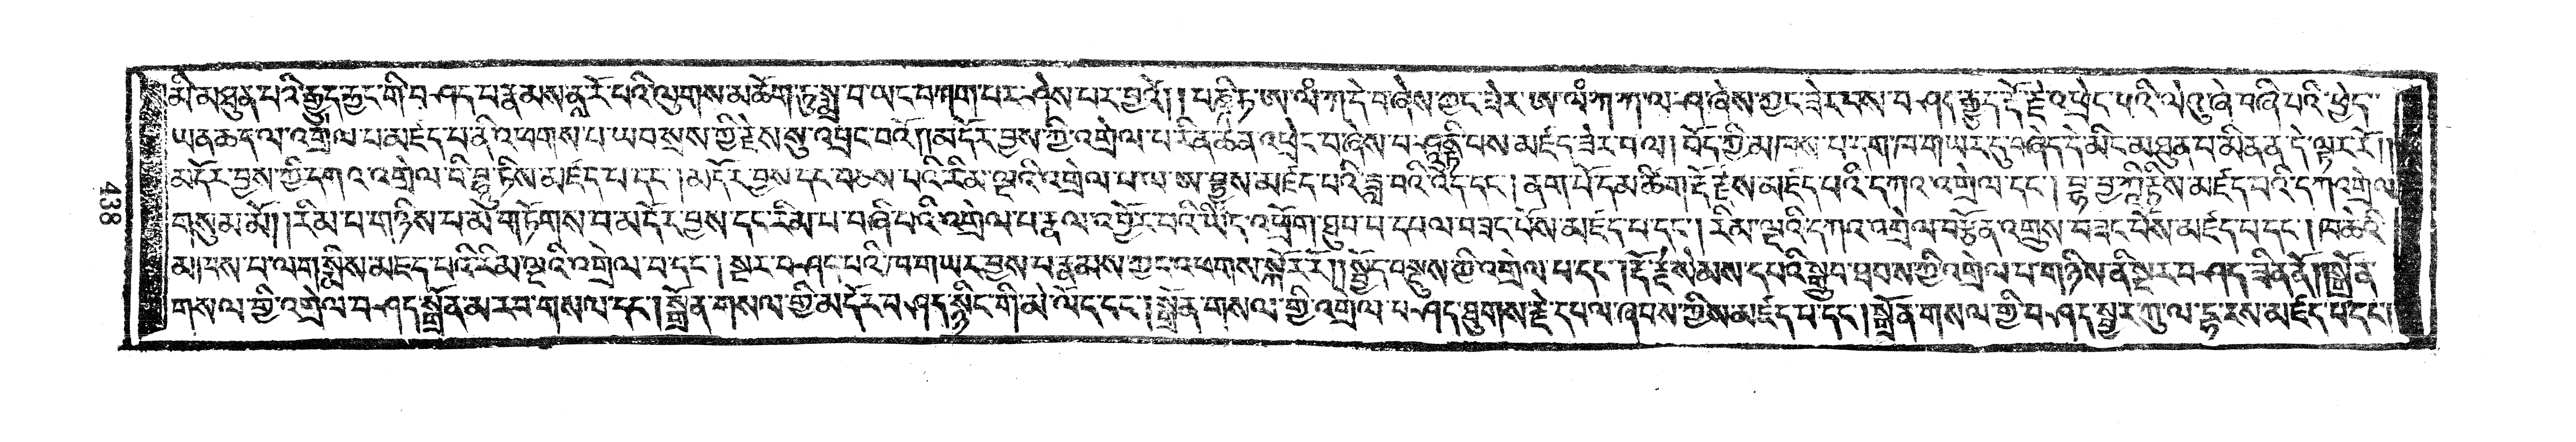མི་མཐུན་པའི་རྒྱུད་རྐྱང་གི་བཤད་པ་རྣམས་ནཱ་རོ་པའི་ལུགས་མཆོག་ཏུ་སྨྲ་བ་ཡང་བཀག་པར་ཤེས་པར་བྱའོ། །པཎྜི་ཏ་ཨ་ལཾ་ཀ་དེ་བ་ཞེས་ཀྱང་ཟེར་ཨ་ལཾ་ཀ་ཀ་ལ་ཤ་ཞེས་ཀྱང་ཟེར་བས་བཤད་རྒྱུད་རྡོ་རྗེ་འཕྲེང་བའི་ལེའུ་ཞེ་བཞི་པའི་ཕྱེད་
ཡན་ཆད་ལ་འགྲེལ་པ་མཛད་པ་ནི་འཕགས་པ་ཡབ་སྲས་ཀྱི་རྗེས་སུ་འབྲང་བའོ། །མདོར་བྱས་ཀྱི་འགྲེལ་པ་རིན་ཆེན་འཕྲེང་བ་ཞེས་པ་ཤཱནྟི་པས་མཛད་ཟེར་བ་ལ། བོད་ཀྱི་མཁས་པ་དག་ཁ་གཡར་དུ་བཞེད་དེ་མིང་མཐུན་པ་མིན་ན་དེ་ལྟར་རོ། །
མདོར་བྱེས་ཀྱི་དཀའ་འགྲེལ་བི་བྷཱ་ཏས་མཛད་པ་དང་། མདོར་བྱས་དང་བཅས་པའི་རིམ་ལྔའི་འགྲེལ་པ་ལ་ཨ་བྷྱཱས་མཛད་པའི་ཟླ་བའི་འོད་དང་། ནག་པོ་དམ་ཚིག་རྡོ་རྗེས་མཛད་པའི་དཀའ་འགྲེལ་དང་། བྷ་བྱ་ཀཱིརྟིས་མཛད་པའི་དཀའ་འགྲེལ་
གསུམ་མོ། །རིམ་པ་གཉིས་པ་མ་གཏོགས་པ་མདོར་བྱས་དང་རིམ་པ་བཞི་པའི་འགྲེལ་པ་རྣལ་འབྱོར་པའི་ཡིད་འཕྲོག་ཐུབ་པ་དཔལ་བཟང་པོས་མཛད་པ་དང་། རིམ་ལྔའི་དཀའ་འགྲེལ་བརྩོན་འགྲུས་བཟང་པོས་མཛད་པ་དང་། ཁ་ཆེའི་
མཁས་པ་ལག་སྨིས་མཛད་པའི་རིམ་ལྔའི་འགྲེལ་བ་དང་། སྔར་བཤད་པའི་ཁ་གཡར་བྱས་པ་རྣམས་ཀྱང་འཕགས་སྐོར་རོ། །སྤྱོད་བསྡུས་ཀྱི་འགྲེལ་པ་དང་། རྡོ་རྗེ་སེམས་དཔའི་སྒྲུབ་ཐབས་ཀྱི་འགྲེལ་པ་གཉིས་ནི་སྔར་བཤད་ཟིན་ནོ། །སྒྲོན་
གསལ་གྱི་འགྲེལ་བཤད་སྒྲོན་མ་རབ་གསལ་དང་། སྒྲོན་གསལ་གྱི་མདོར་བཤད་སྙིང་གི་མེ་ལོང་དང་། སྒྲོན་གསལ་གྱི་འགྲེལ་བཤད་ཐུགས་རྗེ་དཔལ་ཞབས་ཀྱིས་མཛད་པ་དང་། སྒྲོན་གསལ་གྱི་བཤད་སྦྱར་ཀུ་ལ་དྷ་རས་མཛད་པ་དང་།